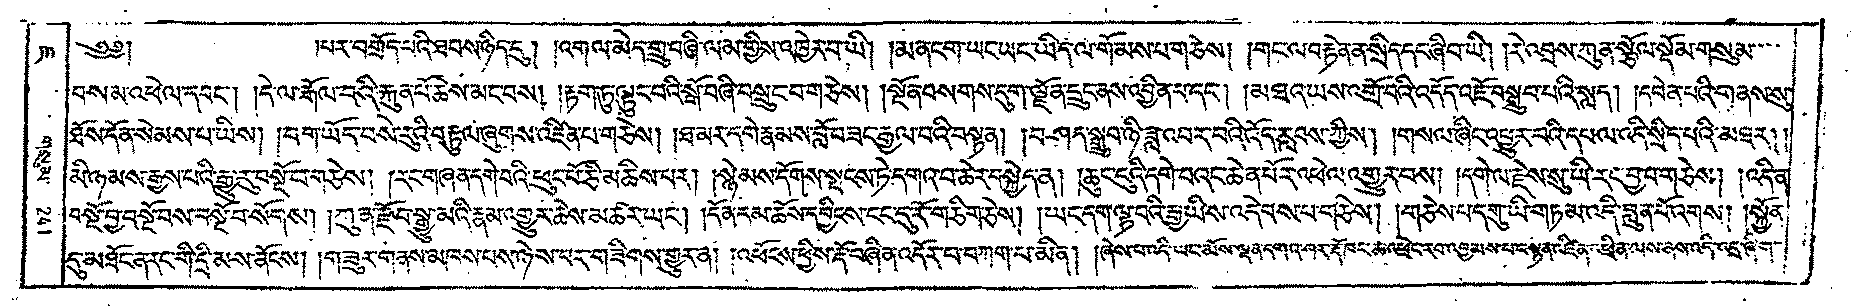༄༅། །པར་བགྲོད་པའི་ཐབས་ཉིད་དུ། །འགལ་མེད་གྲུ་བཞི་ལམ་གྱིས་འཁྱེར་བ་ཡི། །མན་ངག་ཡང་ཡང་ཡིད་ལ་གོམས་པ་གཅེས། །གང་ལ་བརྟེན་ན་སྲིད་དང་ཞི་བ་ཡི། །རེ་འབྲས་ཀུན་སྩོལ་སྡོམ་གསུམ་
བསམ་འཕེལ་དབང་། །དེ་ལ་རྒོལ་བའི་རྐུན་པོ་ཆེས་མང་བས། །རྟག་ཏུ་ལྟུང་བའི་སྒོ་བཞི་བསྲུང་བ་གཅེས། །སྔོན་བསགས་དུག་ལྗོན་དྲུང་ནས་འབྱིན་པ་དང་། །མཐའ་ཡས་འགྲོ་བའི་འདོད་འཇོ་བསྒྲུབ་པའི་སླད། །དབེན་པའི་གནས་སུ་
ཐོས་དོན་སེམས་པ་ཡིས། །བག་ཡོད་བསེ་རུའི་བརྟུལ་ཞུགས་འཛིན་པ་གཅེས། །ཐ་མར་དགེ་རྣམས་བློ་བཟང་རྒྱལ་བའི་བསྟན། །བཤད་སྒྲུབ་ཉི་ཟླ་འབར་བའི་འོད་རླབས་ཀྱིས། །གསལ་ཞིང་འཕྱུར་བའི་དཔལ་འདི་སྲིད་པའི་མཐར། །
མི་ཉམས་རྒྱས་པའི་རྒྱུ་རུ་བསྔོ་བ་གཅེས། །རང་གཞན་དགེ་བའི་ཕུང་པོ་ཅི་མཆིས་པར། །སྙེམས་དོགས་སྤངས་ཏེ་དགའ་བ་ཆེར་བསྐྱེད་ན། །ཆུང་ངུའི་དགེ་བའང་ཆེན་པོར་འཕེལ་འགྱུར་བས། །དགེ་ལ་རྗེས་སུ་ཡི་རང་བྱ་བ་གཅེས། །འདི་ན་
བསྔོ་བྱ་བསྔོ་བས་བསྔོ་བ་སོགས། །ཀུན་རྫོབ་སྒྱུ་མའི་རྣམ་འགྱུར་ཆེས་མཚར་ཡང་། །དོན་དམ་ཆོས་དབྱིངས་ངང་དུ་རོ་གཅིག་ཅེས། །ཡང་དག་ལྟ་བའི་རྒྱ་ཡིས་འདེབས་པ་གཅེས། །གཅེས་པ་དགུ་ཡི་གཏམ་འདི་བླུན་པོ་འགས། །སྐྱོན་
དུ་མཐོང་ན་རང་རི་དྲི་མས་ནོངས། །གཟུར་གནས་མཁས་པས་ཉེས་པར་གཟིགས་གྱུར་ན། །འཕོངས་ཕྱིས་རྡོ་བཞིན་འདོར་བ་བཀག་པ་མིན། །ཞེས་པ་འདི་ཡང་མོས་ལྡན་དགའ་ཤར་རྡོ་ཁང་ཆ་འཕྲེང་རབ་འབྱམས་པ་བསྟན་འཛིན་འཕྲིན་ལས་ནས་འདི་འདྲ་ཞིག་